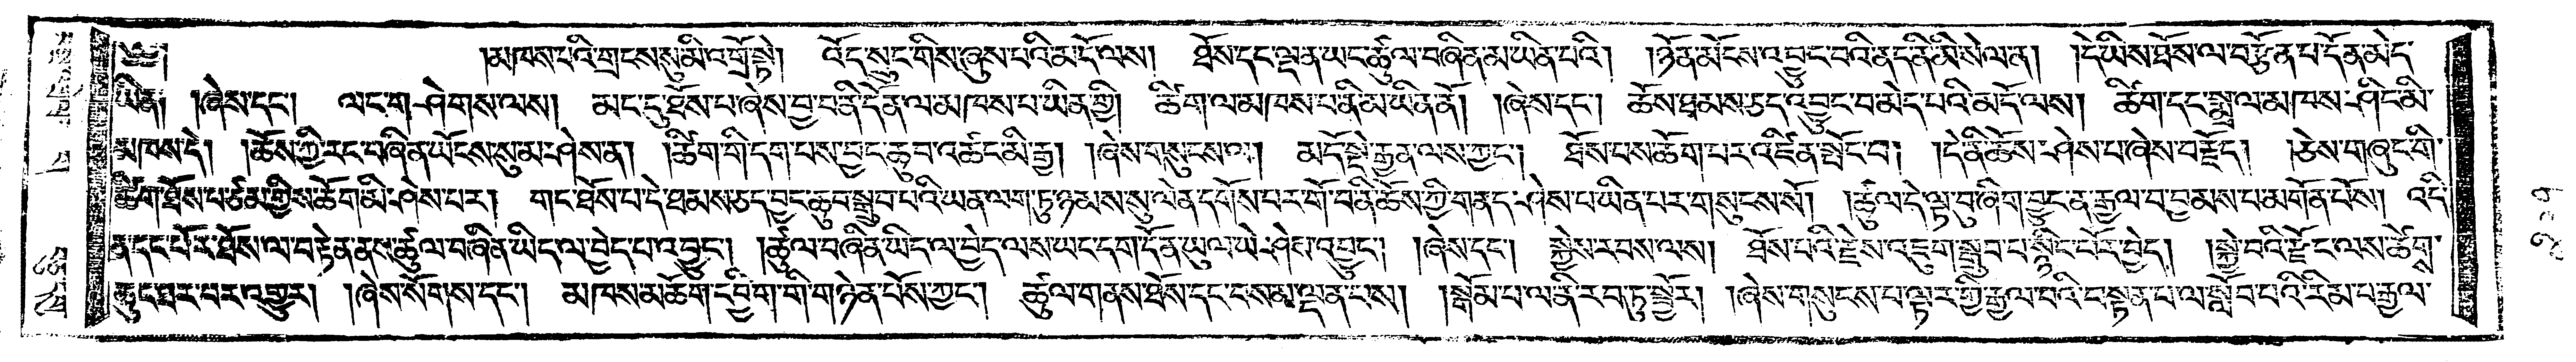༄༅། །མཁས་པའི་གྲངས་སུ་མི་འགྲོ་སྟེ། འོད་སྲུང་གིས་ཞུགས་པའི་མདོ་ལས། ཐོས་དང་ལྡན་ཡང་ཚུལ་བཞིན་མ་ཡིན་པའི། །ཉོན་མོངས་འབྱུང་བའི་ནད་ནི་མི་སེ་ལན། །དེ་ཡིས་ཐོས་ལ་བརྩོན་པ་དོན་མེད་
ཡིན༑ །ཞེས་དང་། ལང་གཤེགས་ལས། མང་དུ་ཐོས་པ་ཞེས་བྱ་བ་ནི་དོན་ལ་མཁས་པ་ཡིན་གྱི། ཚིག་ལ་མཁས་པ་ནི་མ་ཡིན་ནོ། །ཞེས་དང་། ཆོས་ཐམས་ཅད་འབྱུང་བ་མེད་པའི་མདོ་ལས། ཚིག་དང་སྨྲ་ལ་མཁས་ཤིང་མི་
མཁས་དེ། །ཆོས་ཀྱི་རང་བཞིན་ཡོངས་སུ་མ་ཤེས་ན། །ཚིག་གི་དག་པས་བྱང་ཆུབ་འཚང་མི་རྒྱ། །ཞེས་གསུངས་ལ། མདོ་སྡེ་རྒྱན་ལས་ཀྱང་། ཐོས་པས་ཆོག་པར་འཛིན་སྤོང་བ། །དེ་ནི་ཆོས་ཤེས་པ་ཞེས་བརྗོད། །ཅེས་གཞུང་གི་
ཚིག་ཐོས་པ་ཙམ་གྱིས་ཆོས་མི་ཤེས་པར། གང་ཐོས་བ་དེ་ཐམས་ཅད་བྱང་ཆུབ་སྒྲུབ་པའི་ཡན་ལག་ཏུ་ཉམས་སུ་ལེན་དགོས་པར་གོ་བ་ནི་ཆོས་ཀྱི་གནད་ཤེས་པ་ཡིན་པར་གསུངས་སོ། །ཚུལ་དེ་ལྟ་བུ་ཞིག་བྱང་ན་རྒྱལ་བ་བྱམས་པ་མགོན་པོས། འདི་
ན་དང་པོར་ཐོས་ལ་བརྟེན་ནས་ཚུལ་བཞིན་ཡིད་ལ་བྱེད་པ་འབྱུང་། །ཚུལ་བཞིན་ཡིད་ལ་བྱེད་ལས་ཡང་དག་དོན་ཡུལ་ཡེ་ཤེས་འབྱུང་། །ཞེས་དང་། སྐྱེས་རབས་ལས། ཐོས་པའི་རྗེས་འཇུག་སྒྲུབ་པ་སྙིང་པོར་བྱེད། །སྐྱེ་བའི་རྫོང་ལས་ཚེགས་
ཆུང་ཐར་བར་འགྱུར། །ཞེས་སོགས་དང་། མཁས་མཆོག་དབྱིག་གི་གཉེན་པོས་ཀྱང་། ཚུལ་གནས་ཐོས་དང་བསམ་ལྡན་པས། །སྒོམ་པ་ལ་ནི་རབ་ཏུ་སྦྱོར། །ཞེས་གསུངས་པ་ལྟར་གྱི་རྒྱལ་བའི་བསྟན་པ་ལ་སློབ་པའི་རིམ་བ་རྒྱལ་